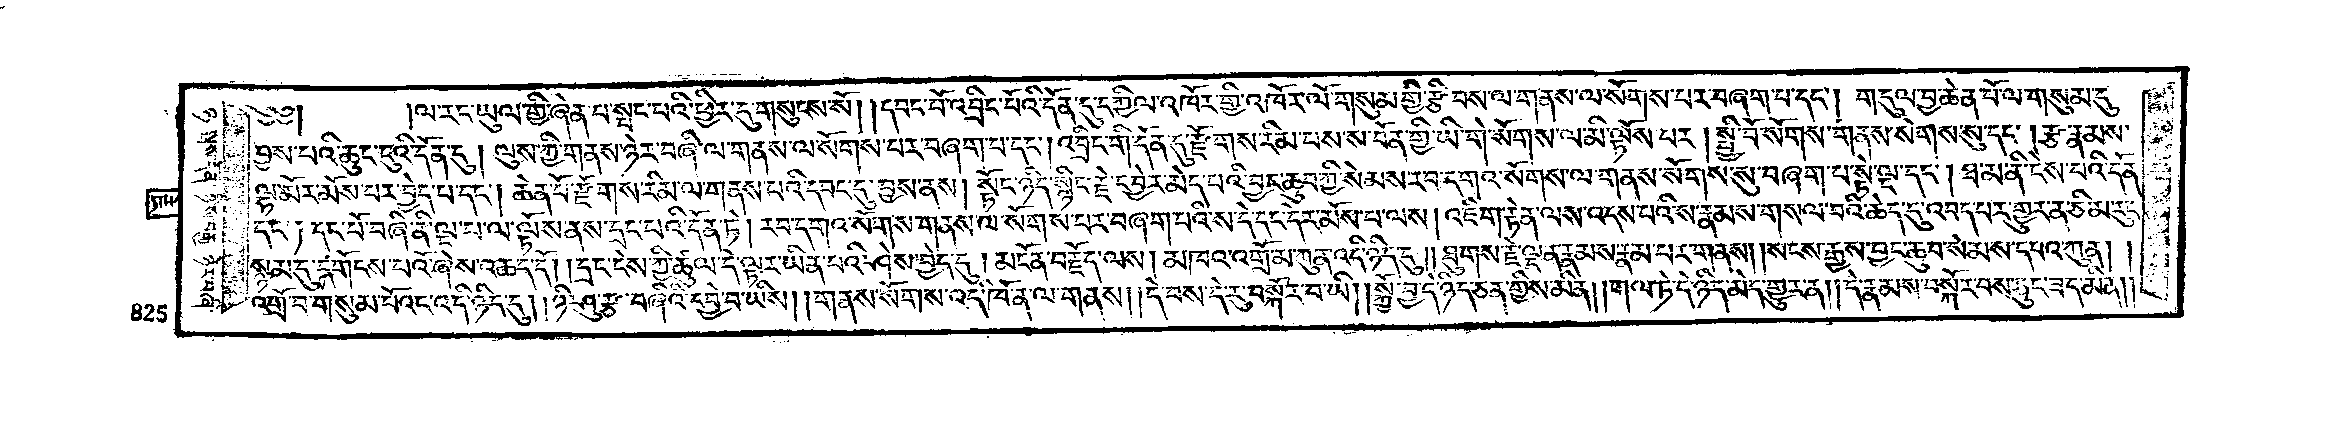༄༅། །ལ་རང་ཡུལ་གྱི་ཞེན་པ་སྤང་པའི་ཕྱིར་དུ་གསུངས་སོ། །དབང་པོ་འབྲིང་པོའི་དོན་དུ་དཀྱིལ་འཁོར་གྱི་འཁོར་ལོ་གསུམ་གྱི་རྩིབས་ལ་གནས་ལ་སོགས་པར་བཞག་པ་དང་། གདུལ་བྱ་ཆེན་པོ་ལ་གསུམ་དུ་
བྱས་པའི་ཆུང་ངུའི་དོན་དུ། ལུས་ཀྱི་གནས་ཉེར་བཞི་ལ་གནས་ལ་སོགས་པར་བཞག་པ་དང་། འབྲིང་གི་དོན་དུ་རྫོགས་རིམ་པས་ས་བོན་གྱི་ཡི་གེ་སོགས་ལ་མི་ལྟོས་པར། སྤྱི་བོ་སོགས་གནས་སོགས་སུ་དང་། རྩ་རྣམས་
ལྷ་མོར་མོས་པར་བྱེད་པ་དང་། ཆེན་པོ་རྫོགས་རིམ་ལ་གནས་པའི་དབང་དུ་བྱས་ནས། སྟོང་ཉིད་སྙིང་རྗེ་དབྱེར་མེད་པའི་བྱང་ཆུབ་ཀྱི་སེམས་རབ་དགའ་སོགས་ལ་གནས་སོགས་སུ་བཞག་པ་སྟེ་ལྔ་དང་། ཐ་མ་ནི་ངེས་པའི་དོན་
དང་། དང་པོ་བཞི་ནི་ལྔ་པ་ལ་ལྟོས་ནས་དྲང་པའི་དོན་ཏེ། རབ་དགའ་སོགས་གནས་ལ་སོགས་པར་བཞག་པའི་ས་དེ་དང་དེར་མོས་པ་ལས། འཇིག་རྟེན་ལས་འདས་པའི་ས་རྣམས་གསལ་བའི་ཆེད་དུ་འབད་པར་གྱུར་ན་ཅི་མ་རུང་
སྙམ་དུ་དགོངས་པའོ་ཞེས་འཆད་དོ། །དྲང་ངེས་ཀྱི་ཚུལ་དེ་ལྟར་ཡིན་པའི་ཤེས་བྱེད་དུ། མངོན་བརྗོད་ལས། མཁའ་འགྲོ་མ་ཀུན་འདི་ཉིད་དུ། །ཐུགས་རྗེ་ལྡན་རྣམས་རྣམ་པར་གནས། །སངས་རྒྱས་བྱང་ཆུབ་སེམས་དཔའ་ཀུན། །
འགྲོ་བ་གསུམ་པོའང་འདི་ཉིད་དུ། །ཉི་ཤུ་རྩ་བཞིའི་དབྱེ་བ་ཡིས། །གནས་སོགས་འདི་ཁོ་ན་ལ་གནས། །དེ་བས་དེ་རུ་བསྐོར་བ་ཡི། །སྐྱོ་བྱ་དེ་ཉིད་ཅན་གྱིས་མིན། །གལ་ཏེ་དེ་ཉིད་མེད་གྱུར་ན། །དེ་རྣམས་བསྐོར་བས་ཅུང་ཟད་མིན། །